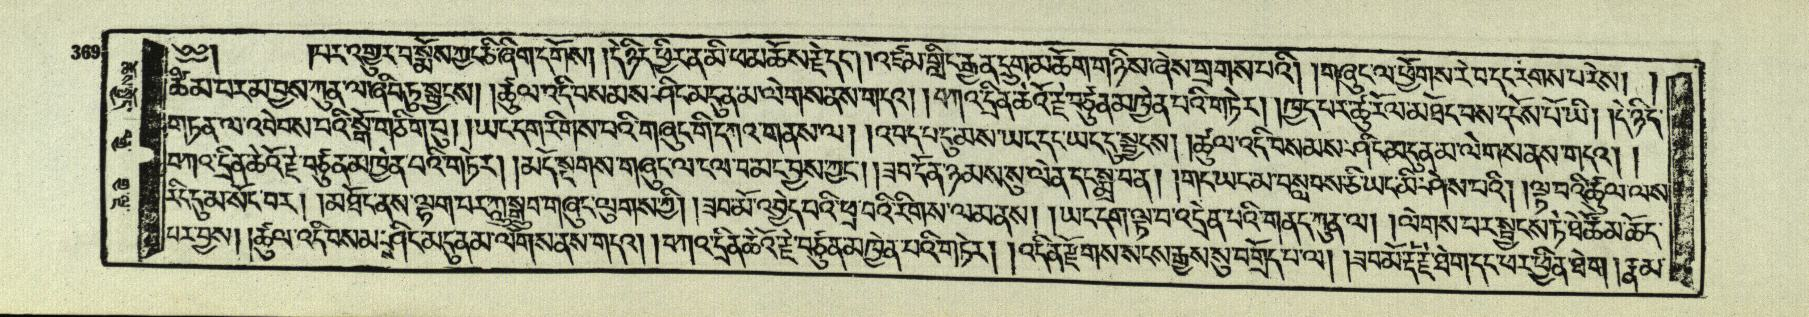༄༅། །པར་འགྱུར་བ་སྨོས་ཀྱང་ཅི་ཞིག་དགོས། །དེ་ཉིད་ཕྱིར་ན་མི་ཕམ་ཆོས་རྗེ་དང་། །འཛམ་གླིང་རྒྱན་དྲུག་མཆོག་གཉིས་ཞེས་གྲགས་པའི། །གཞུང་ལ་ཕྱོགས་རེ་བ་དང་རགས་པ་རེས། །
ཚིམ་པར་མ་བྱས་ཀུན་ལ་ཞིབ་ཏུ་སྦྱངས། །ཚུལ་འདི་བསམས་ཤིང་མདུན་མ་ལེགས་ནས་གདའ། །བཀའ་དྲིན་ཆེའོ་རྗེ་བཙུན་མཁྱེན་པའི་གཏེར། །ཁྱད་པར་ཚུ་རོལ་མཐོང་བས་དངོས་པོ་ཡི། །དེ་ཉིད་
གཏན་ལ་འབེབས་པའི་སྒོ་གཅིག་པུ། །ཡང་དག་རིགས་པའི་གཞུང་གི་དཀའ་གནས་ལ། །འབད་པ་དུ་མས་ཡང་དང་ཡང་དུ་སྦྱངས། །ཚུལ་འདི་བསམས་ཤིང་མདུན་མ་ལེགས་ནས་གདའ། །
བཀའ་དྲིན་ཆེའོ་རྗེ་བཙུན་མཁྱེན་པའི་གཏེར། །མདོ་སྔགས་གཞུང་ལ་ངལ་བ་མང་བྱས་ཀྱང་། །ཟབ་དོན་ཉམས་སུ་ལེན་དང་སྨྲ་བ་ན། །གང་ཡང་མ་བསླབས་ཅི་ཡང་མི་ཤེས་པའི། །ལྟ་བའི་ཚུལ་ལས་
རིང་དུ་མ་སོང་བར། །མཐོང་ནས་ལྷག་པར་ཀླུ་སྒྲུབ་གཞུང་ལུགས་ཀྱི། །ཟབ་མོ་འབྱེད་པའི་ཕྲ་བའི་རིགས་ལམ་ནས། །ཡང་དག་ལྟ་བ་འདྲེན་པའི་གནད་ཀུན་ལ། །ལེགས་པར་སྦྱངས་ཏེ་ཐེ་ཚོམ་ཆོད་
པར་བྱས། །ཚུལ་འདི་བསམ་ཤིང་མདུན་མ་ལོགས་ནས་གདའ། །བཀའ་དྲིན་ཆེའོ་རྗེ་བཙུན་མཁྱེན་པའི་གཏེར། །འདི་ན་རྫོགས་སངས་རྒྱས་སུ་བགྲོད་པ་ལ། །ཟབ་མོ་རྡོ་རྗེ་ཐེག་དང་ཕར་ཕྱིན་ཐེག །རྣམ་